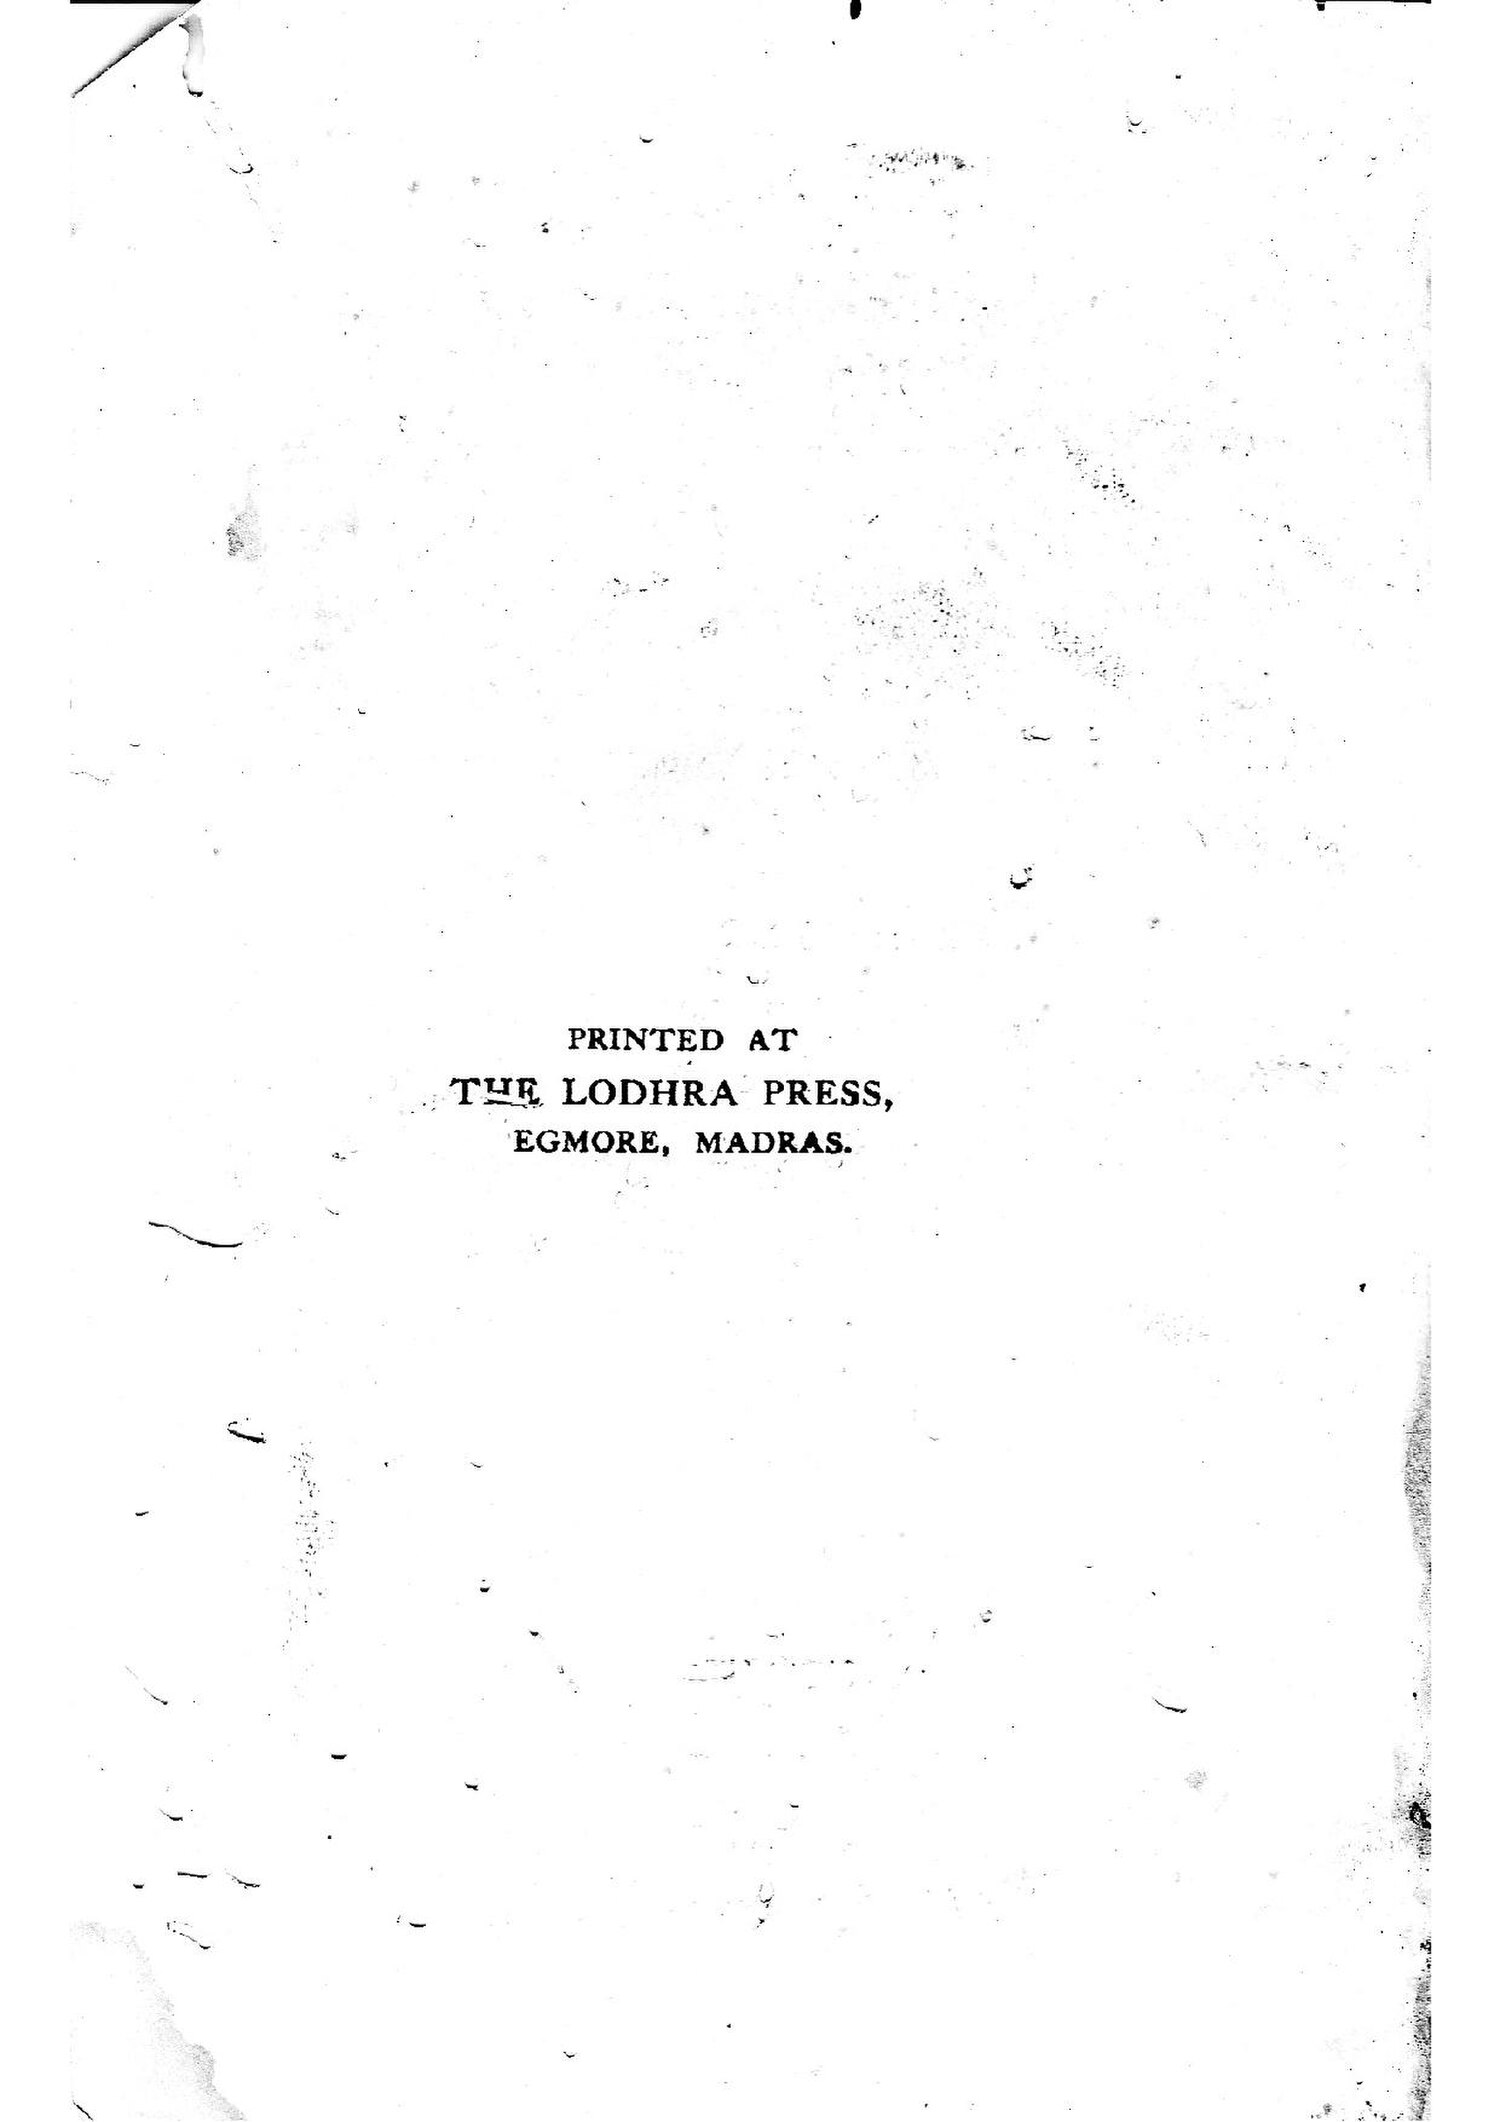PRINTED AT

THE LODHRA PRESS,

EGMORE, MADRAS.